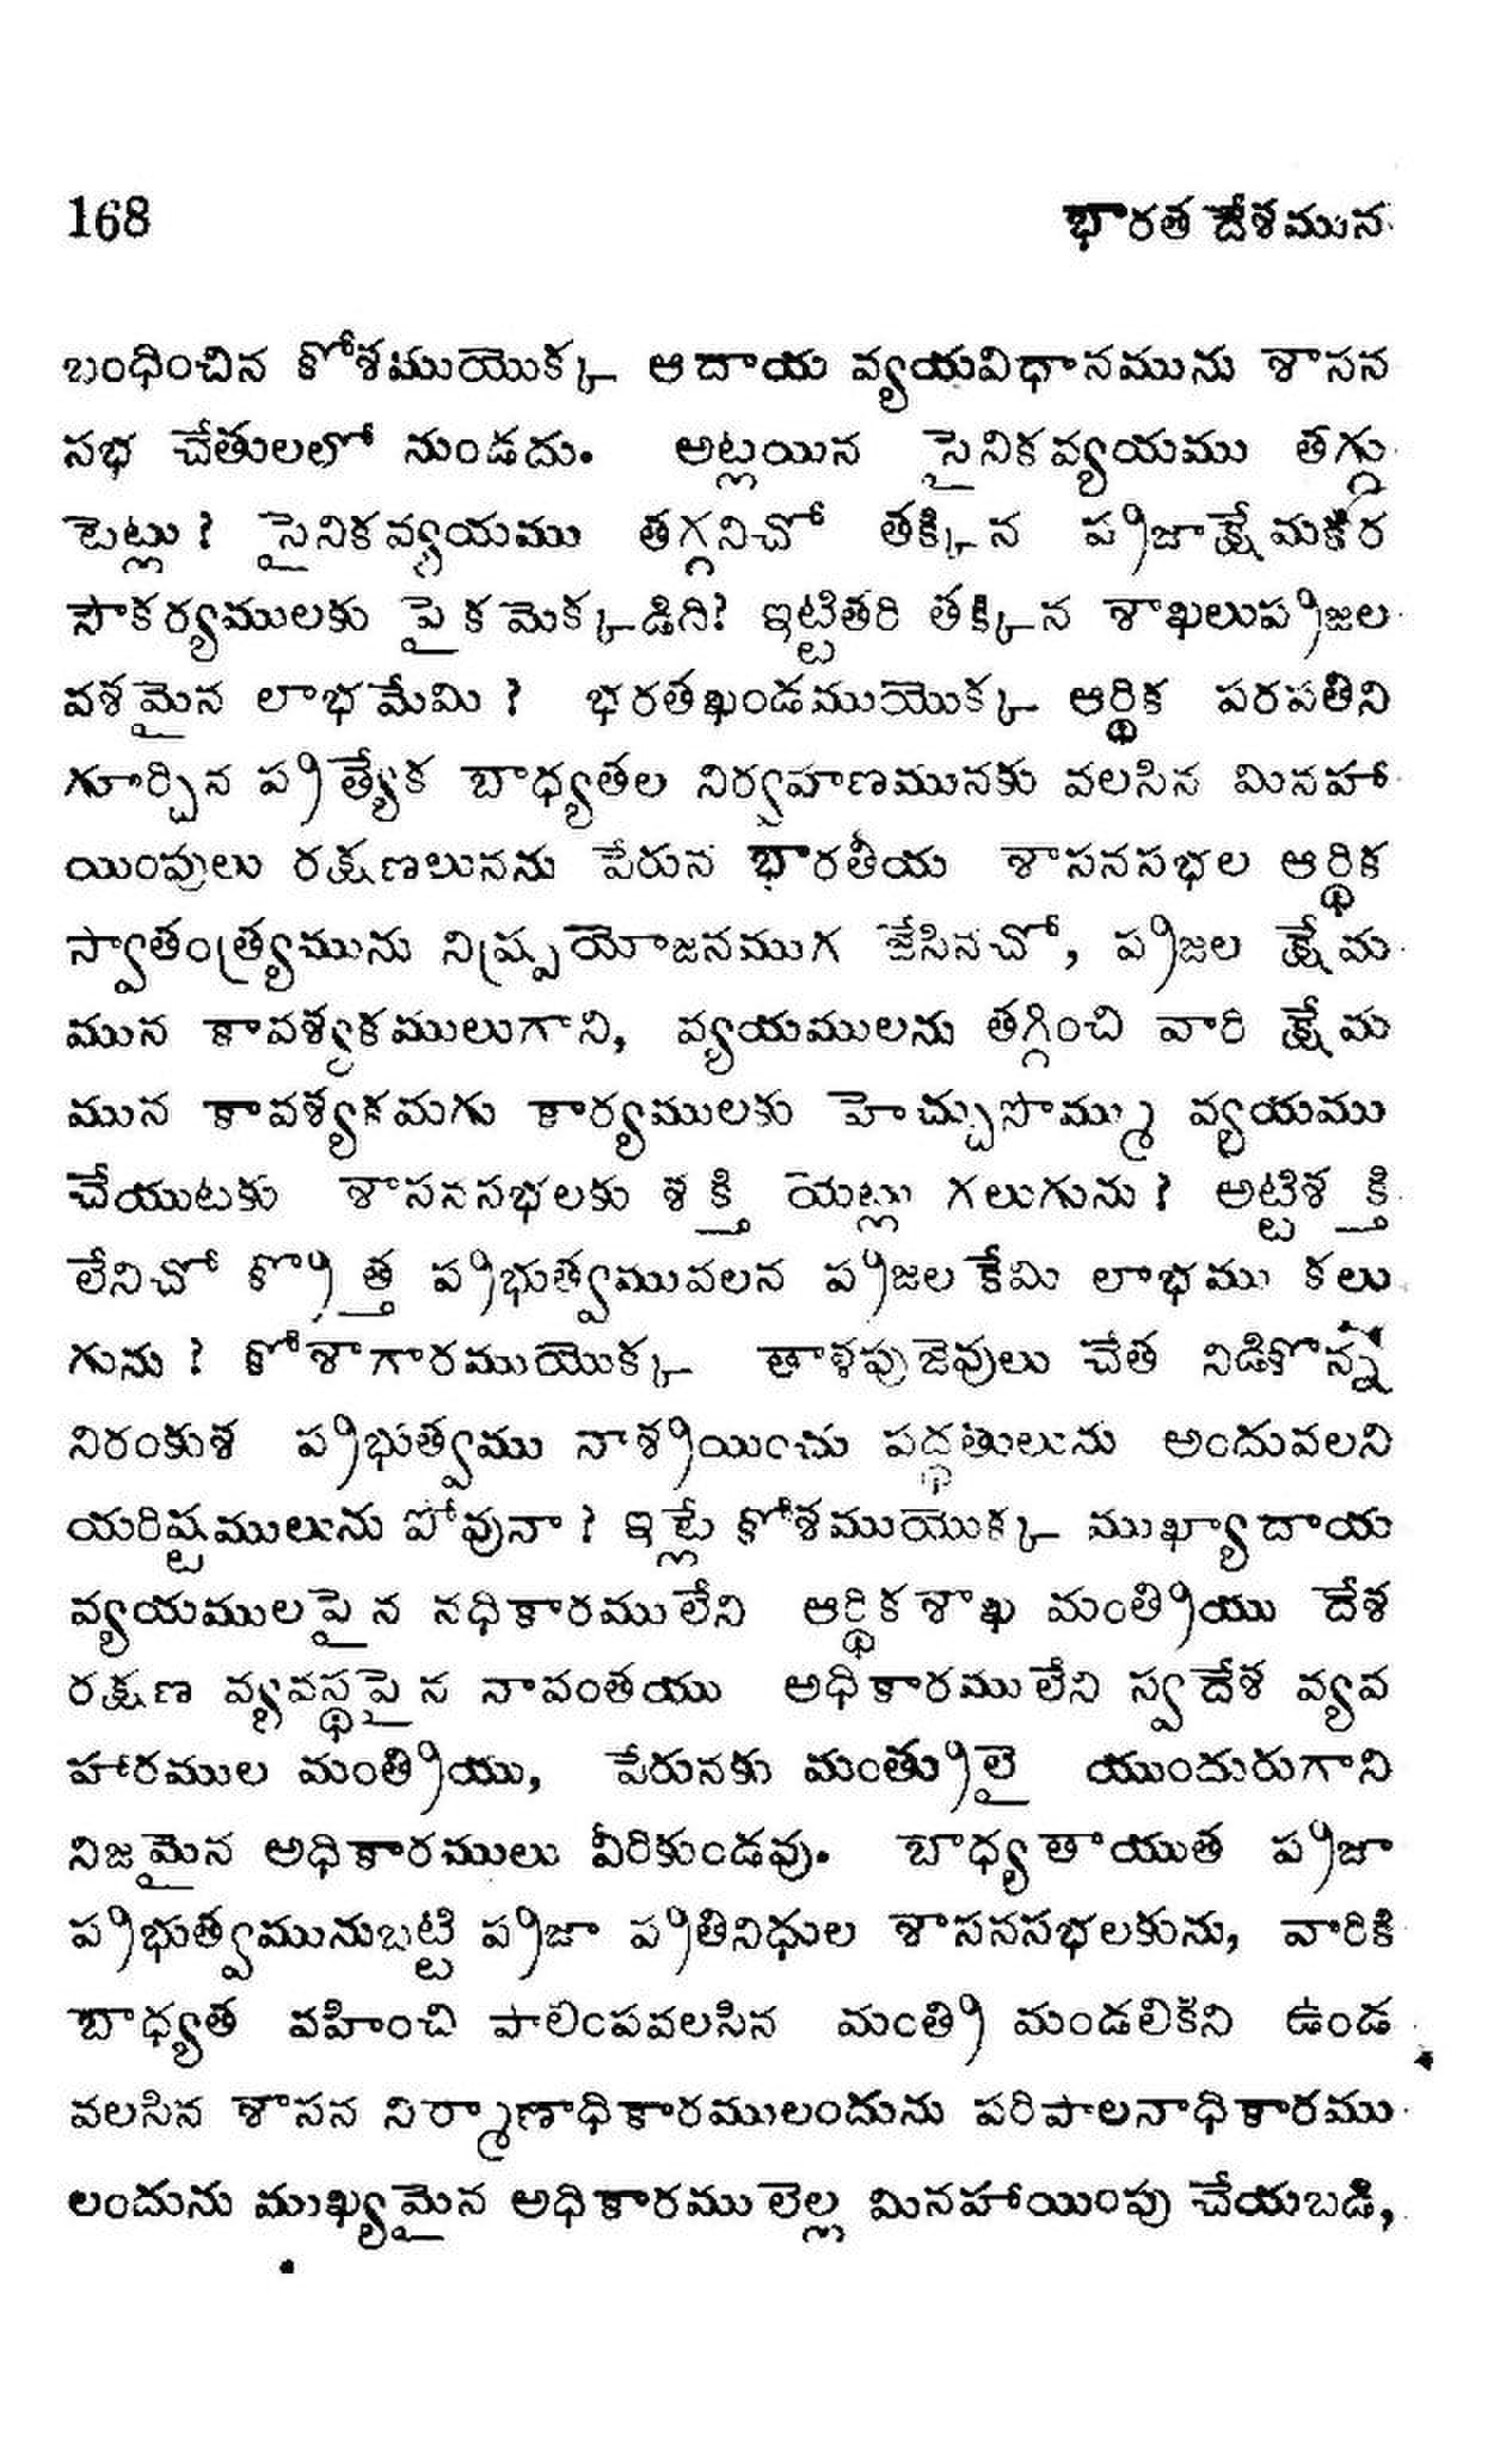బంధించిన కోశముయొక్క ఆదాయ వ్యయవిధానమును శాసనసభ చేతులలో నుండదు. అట్లయిన సైనికవ్యయము తగ్గుటెట్లు ? సైనికవ్యయము తగ్గనిచో తక్కిన ప్రజాక్షేమకర సౌకర్యములకు పైక మెక్కడిది? ఇట్టితరి తక్కిన శాఖలుప్రజల వశమైన లాభమేమి ? భరతఖండముయొక్క ఆర్థిక పరపతిని గూర్చిన ప్రత్యేక బాధ్యతల నిర్వహణమునకు వలసిన మినహాయింపులు రక్షణలునను పేరున భారతీయ శాసనసభల ఆర్థిక స్వాతంత్ర్యమును నిష్ప్రయోజనముగ జేసినచో, ప్రజల క్షేమమున కావశ్యకములుగాని, వ్యయములను తగ్గించి వారి క్షేమమున కావశ్యకమగు కార్యములకు హెచ్చుసొమ్ము వ్యయముచేయుటకు శాసనసభలకు శక్తి యెట్లు గలుగును ! అట్టిశక్తి లేనిచో క్రొత్త ప్రభుత్వమువలన ప్రజలకేమి లాభము కలుగును? కోశాగారముయొక్క తాళపుజెవులు చేత నిడికొన్న నిరంకుశ ప్రభుత్వము నాశ్రయించు పద్దతులును అందువలని యరిష్టములును పోవునా ! ఇట్లే కోశముయొక్క ముఖ్యాదాయ వ్యయములపైన నధికారములేని ఆర్థికశాఖ మంత్రియు దేశరక్షణ వ్యవస్థపైన నావంతయు అధికారములేని స్వదేశ వ్యవహారముల మంత్రియు, పేరునకు మంత్రులై యుందురుగాని నిజమైన అధికారములు వీరికుండవు. బాధ్యతాయుత ప్రజా ప్రభుత్వమునుబట్టి ప్రజా ప్రతినిధుల శాసనసభలకును, వారికి బాధ్యత వహించి పాలింపవలసిన మంత్రి మండలికిని ఉండవలసిన శాసన నిర్మాణాధికారములందును పరిపాలనాధికారములందును ముఖ్యమైన అధికారములెల్ల మినహాయింపు చేయబడి,